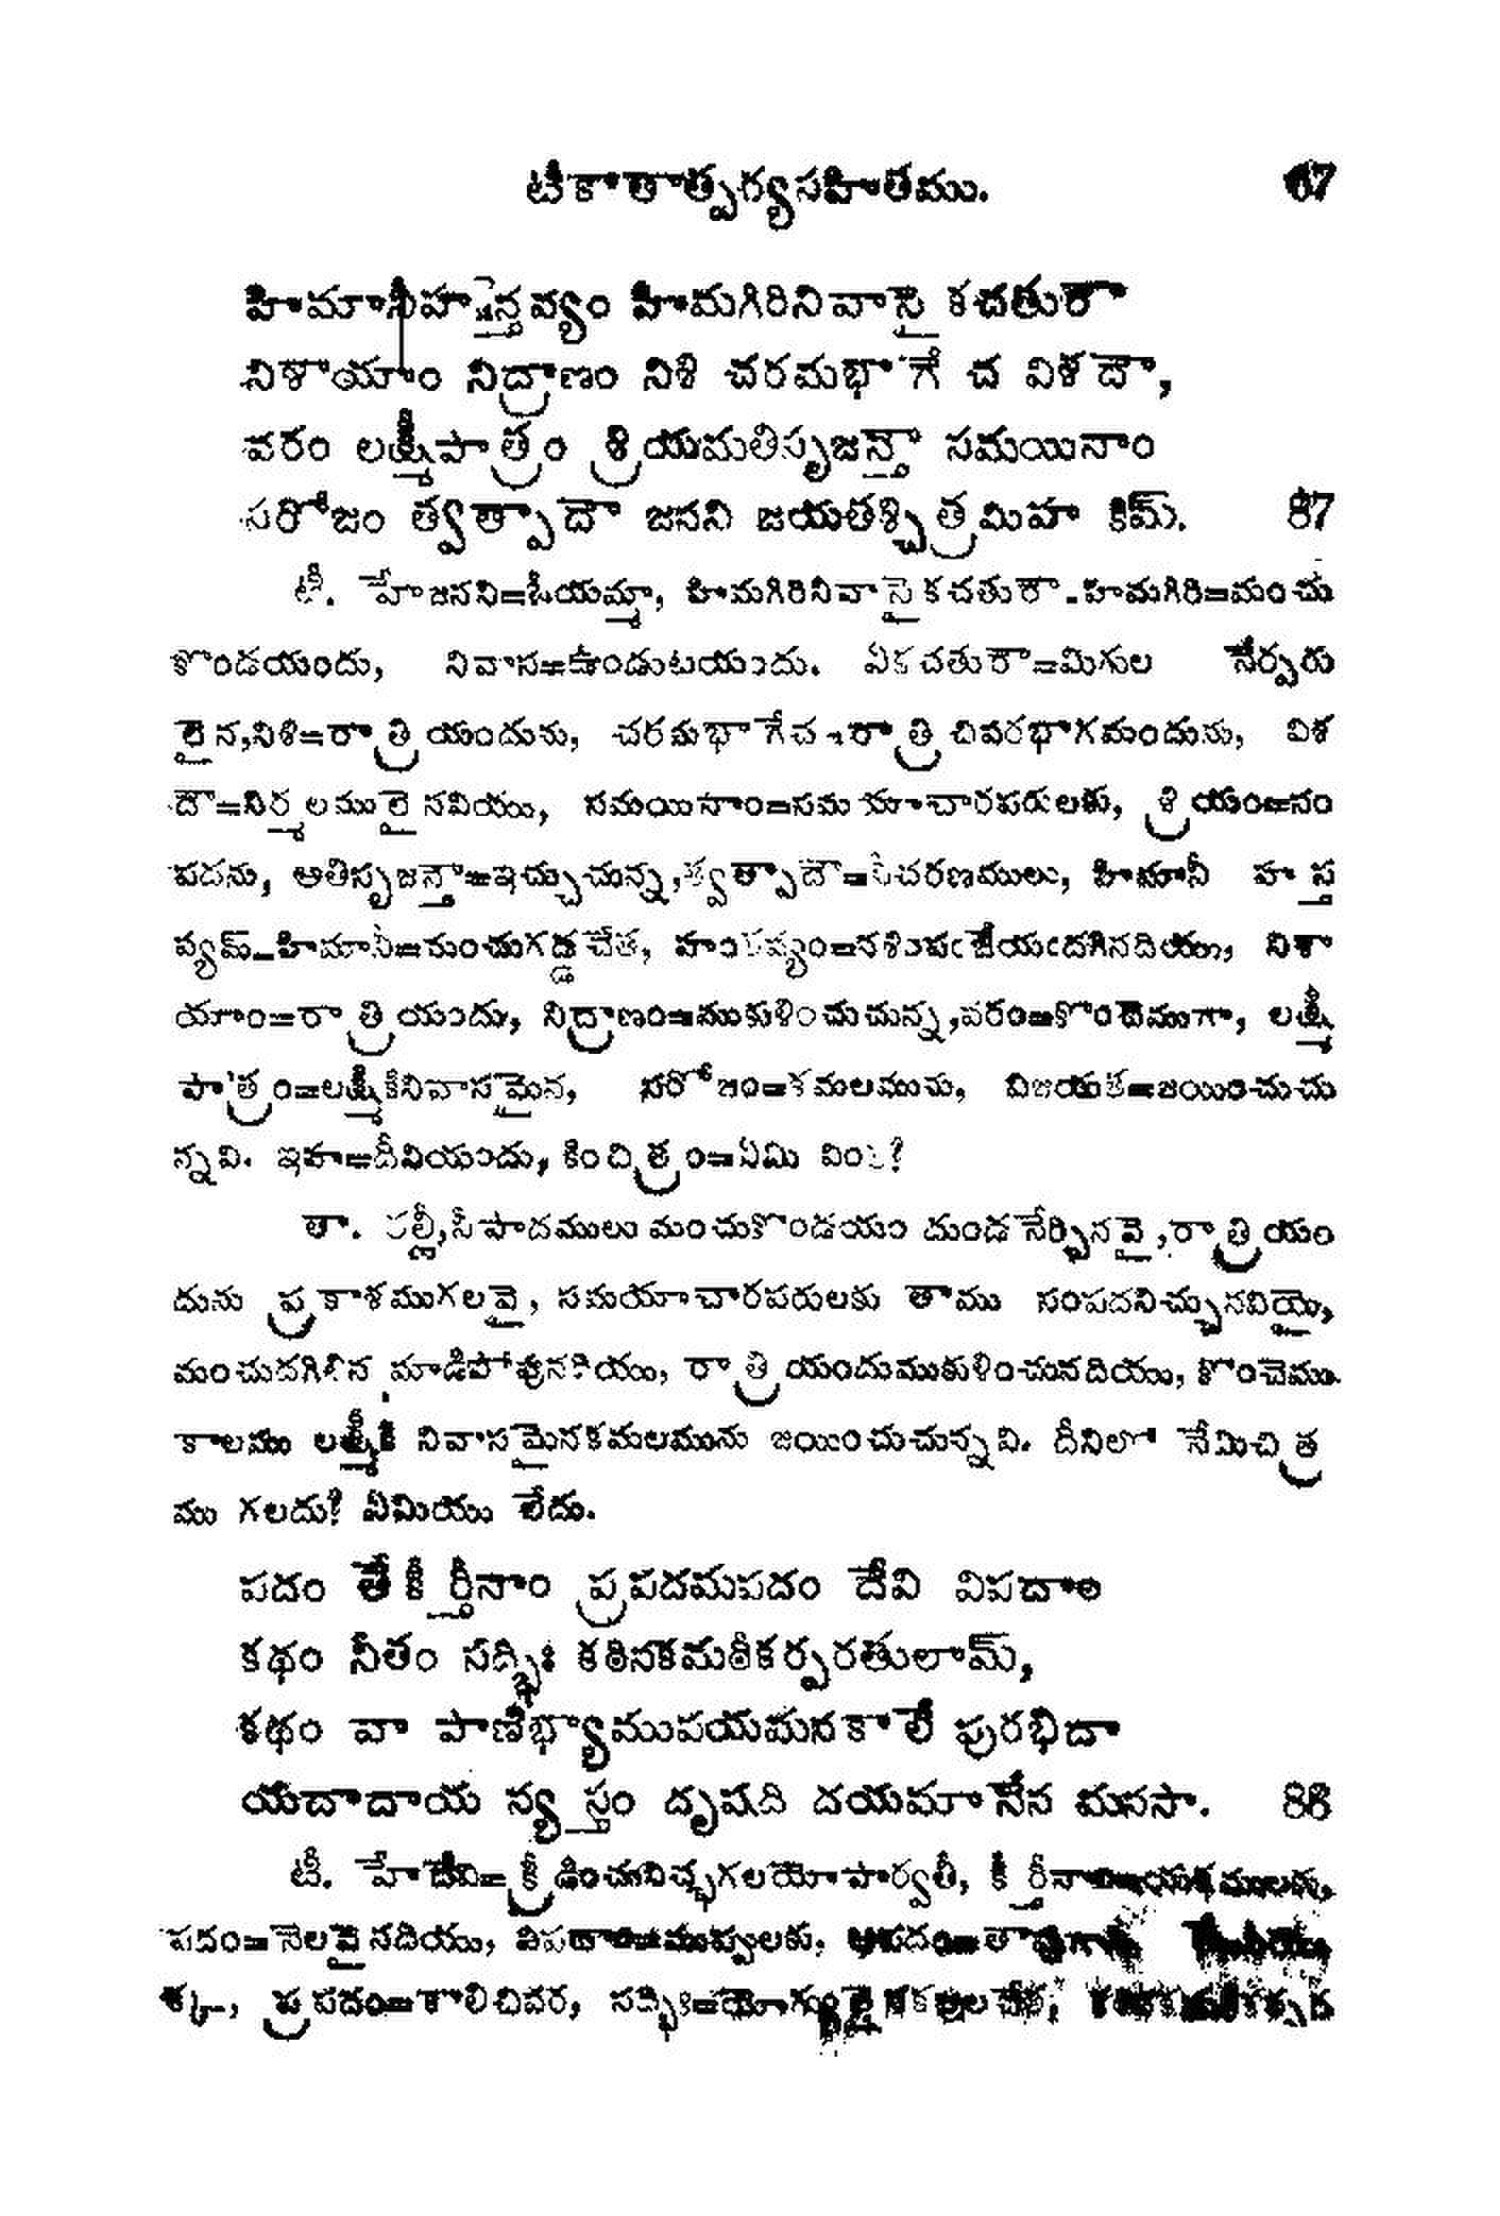హిమానీహన్తవ్యం హిమగిరినివాసైకచతురౌ
నిశాయాం నిద్రాణం నిశి చరమభాగే చ విశదౌ,
వరం లక్ష్మీపాత్రం శ్రియమతిసృజన్తౌ సమయినాం
సరోజం త్వత్పాదౌ జనని జయతశ్చిత్రమిహ కిమ్. 87
టీ. హేజనని = ఓయమ్మా, హిమగిరినివాసైకచతురౌ-హిమగిరి = మంచుకొండయందు, నివాస = ఉండుటయందు, ఏకచతురౌ = మిగుల నేర్పరులైన, నిశి = రాత్రి యందును, చరమభాగేచ = రాత్రి చివరభాగమందును, విశదౌ = నిర్మలములైనవియు, సమయినాం = సమయాచారపరులకు, శ్రియం = సంపదను, అతిసృజన్తౌ = ఇచ్చుచున్న, త్వత్పాదౌ = నీచరణములు, హిమానీ హస్తవ్యమ్-హిమానీ = మంచుగడ్డచేత, హంతవ్యం = నశింపఁజేయఁదగినదియు, నిశాయాం = రాత్రియందు, నిద్రాణం = ముకుళించుచున్న, వరం = కొంచెముగా, లక్ష్మీపాత్రం = లక్ష్మీనివాసమైన, సరోజం = కమలమును, విజయత = జయించుచున్నవి. ఇహ = దీనియందు, కించిత్రం = ఏమి వింత?

తా. తల్లీ, నీపాదములు మంచుకొండయం దుండనేర్చినవై, రాత్రియందును ప్రకాశముగలవై, సమయాచారపరులకు తాము సంపదనిచ్చునవియై, మంచుదగిలిన మాడిపోవునదియు, రాత్రియందు ముకుళించునదియు, కొంచెము కాలము లక్ష్మికి నివాసమైనకమలమును జయించుచున్నవి. దీనిలో నేమిచిత్రము గలదు? ఏమియు లేదు.

పదం తేకీర్తీనాం ప్రపదమపదం దేవి విపదాం
కథం నీతం సద్భిః కఠినకమఠీకర్పరతులామ్,
కథం వా పాణిభ్యాముపయమనకాలే పురభిదా
యదాదాయ న్యస్తం దృషది దయమానేన మనసా. 88
టీ. హేదేవి = క్రీడించునిచ్ఛగలయోపార్వతీ, కీర్తీనాం = యశములకు, పదం = నెలవైనదియు, విపదాం =ముప్పులకు, ఆపదం = తావుగాను, తే = నీయొక్క, ప్రపదం = కాలిచివర, సద్భిః = యోగ్యులైనకవులచేత, కఠినకమఠీకర్పర